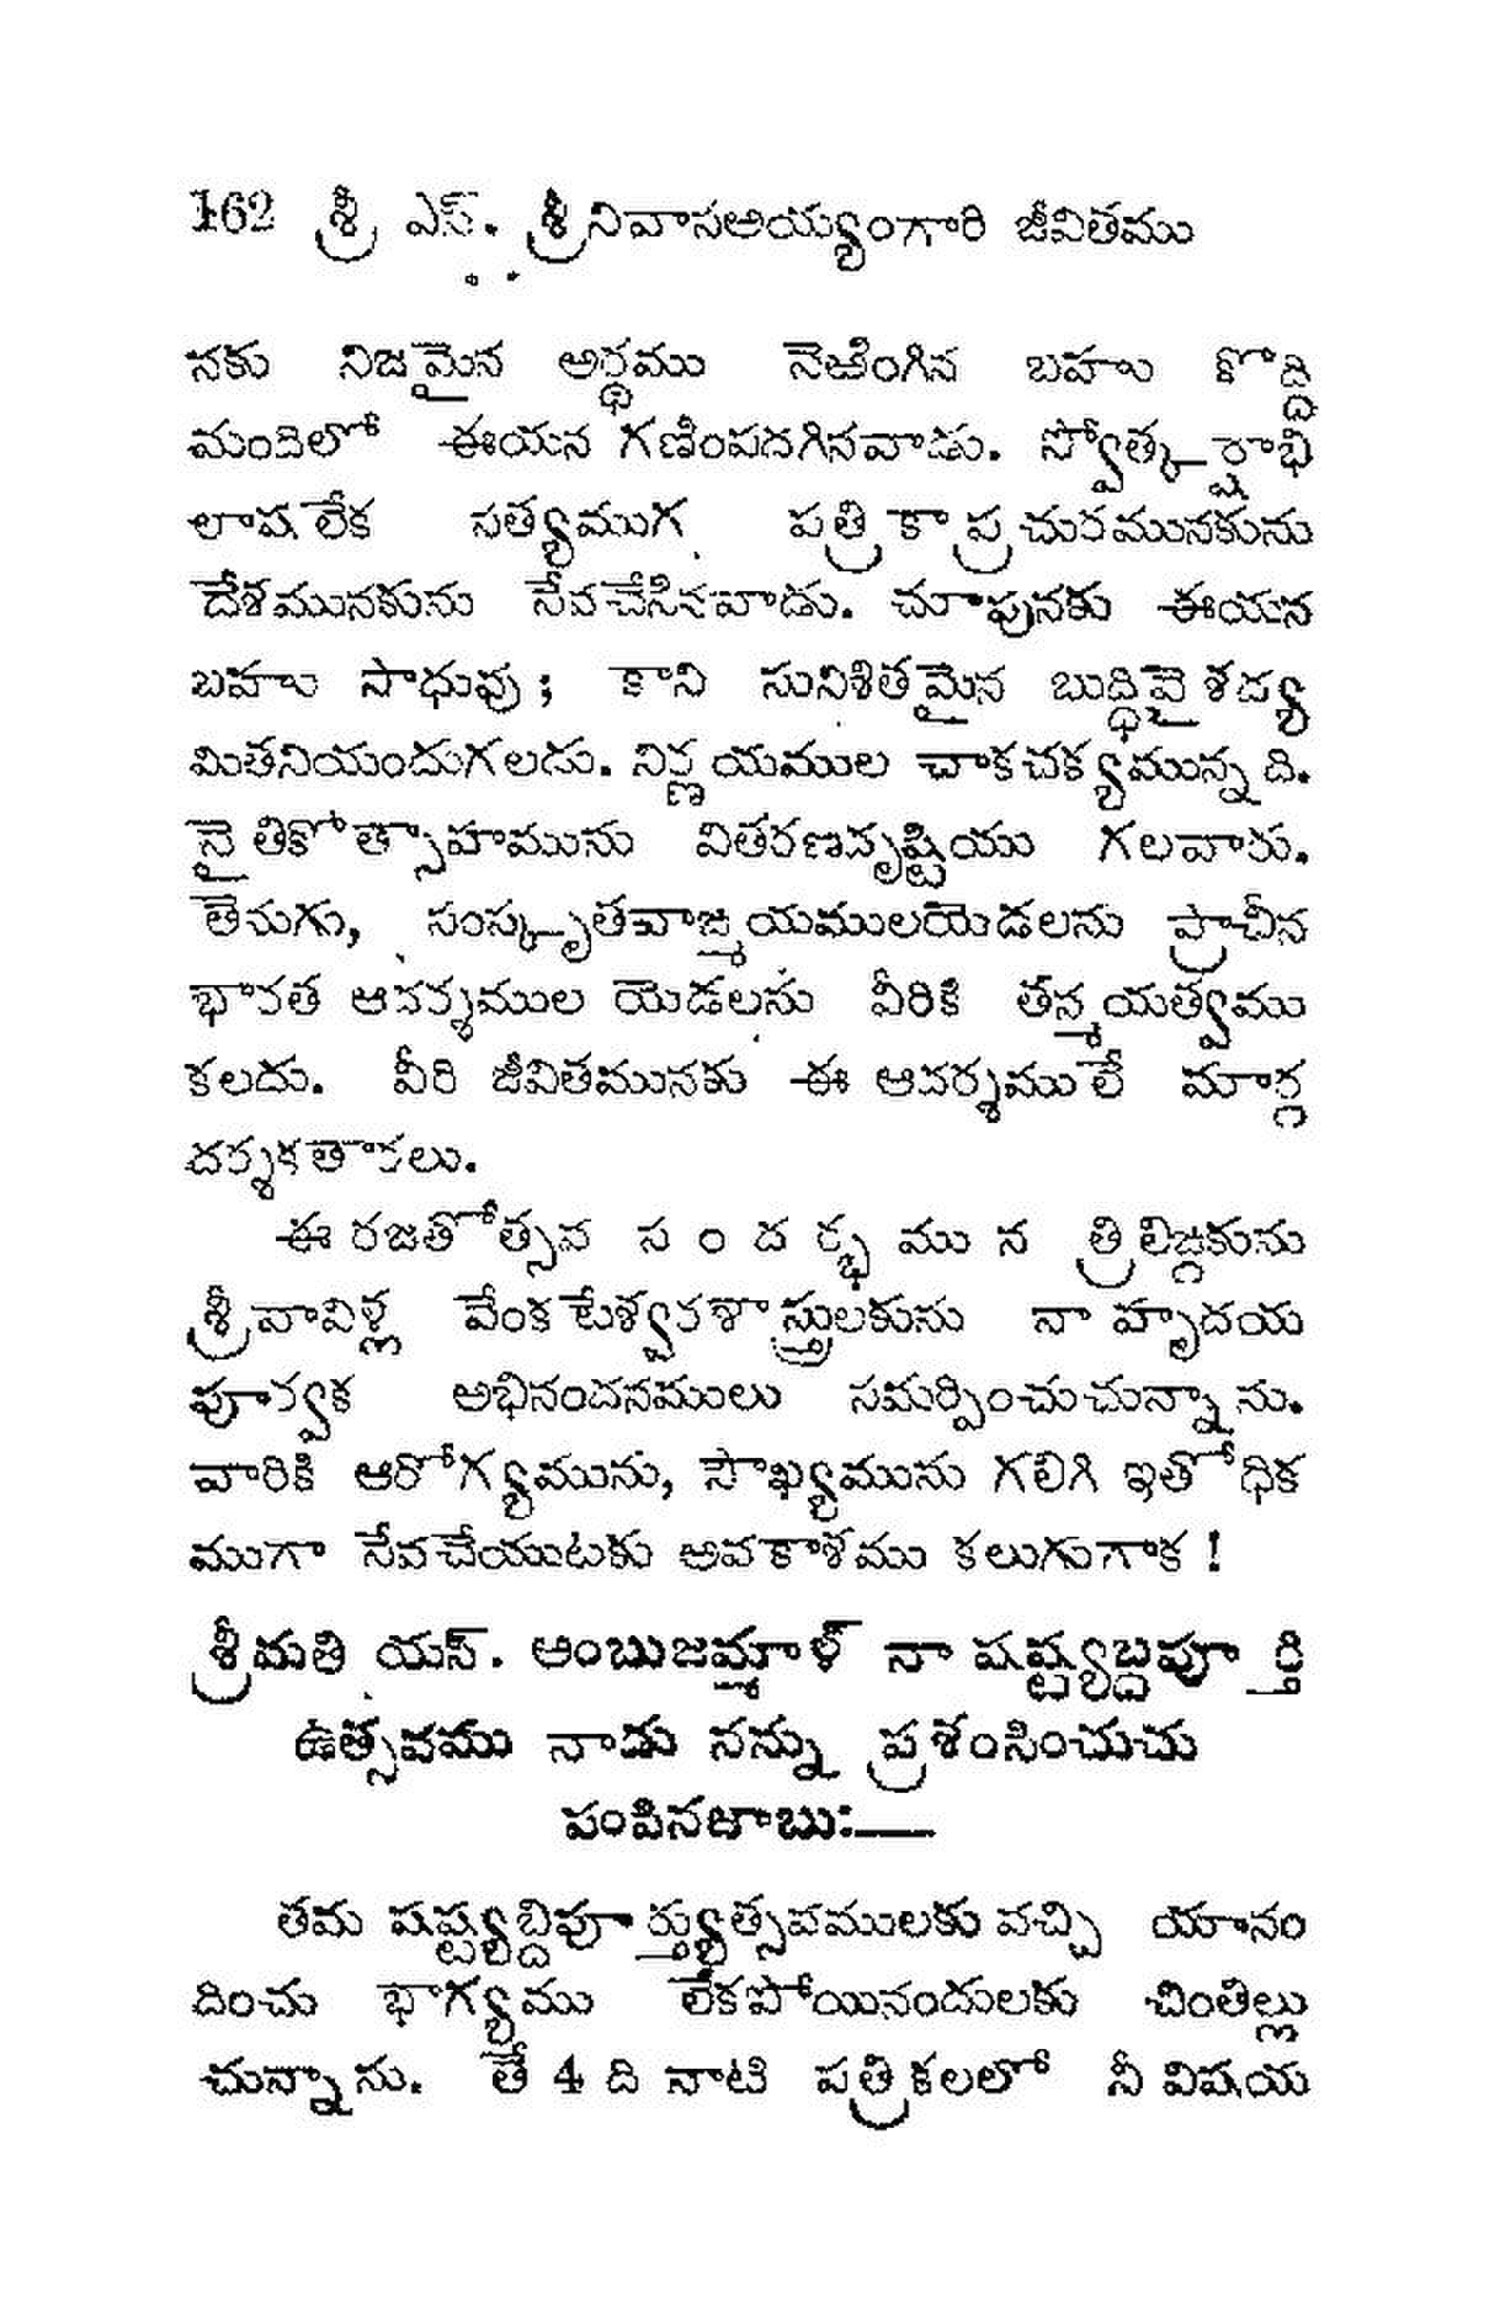నకు నిజమైన అర్థము నెఱింగిన బహు కొద్ది మందిలో ఈయన గణింపదగినవాడు. స్వోత్కరాభిలాషలేక సత్యముగ పత్రికాప్రచురమునకును దేశమునకును సేవచేసినవాడు. చూపునకు ఈయన బహు సాధువు ; కాని సునిశితమైన బుద్ధివైశద్య మితనియందుగలదు. నిర్ణయముల చాకచక్యమున్నది. నైతికోత్సాహమును వితరణదృష్టియు గలవారు. తెలుగు, సంస్కృతవాఙ్మయములయెడలను ప్రాచీన
భారత ఆదర్శముల యెడలను వీరికి తన్మయత్వము కలదు. వీరి జీవితమునకు ఈ ఆదర్శములే మార్గదర్శకతారలు.

ఈరజతోత్సవ సందర్బమున త్రిలిఙ్గకును శ్రీవావిళ్ల వేంకటేశ్వరకళాస్త్రులకును నా హృదయపూర్వక అభినందనములు సమర్పించుచున్నాను. వారికి ఆరోగ్యమును, సౌఖ్యమును గలిగి ఇతోధికముగా సేవచేయుటకు అవకాశము కలుగుగాక ! 

శ్రీమతి యస్. అంబుజమ్మాళ్ నా షష్ట్యబ్దపూర్తి ఉత్సవము నాడు నన్ను ప్రశంసించుచు పంపినజాబు:-

తమ షష్ట్యబ్దిపూర్త్యుత్సవములకు వచ్చి యానందించు భాగ్యము లేకపోయినందులకు చింతిల్లుచున్నాను. తే 4 ది నాటి పత్రికలలో నీ విషయ